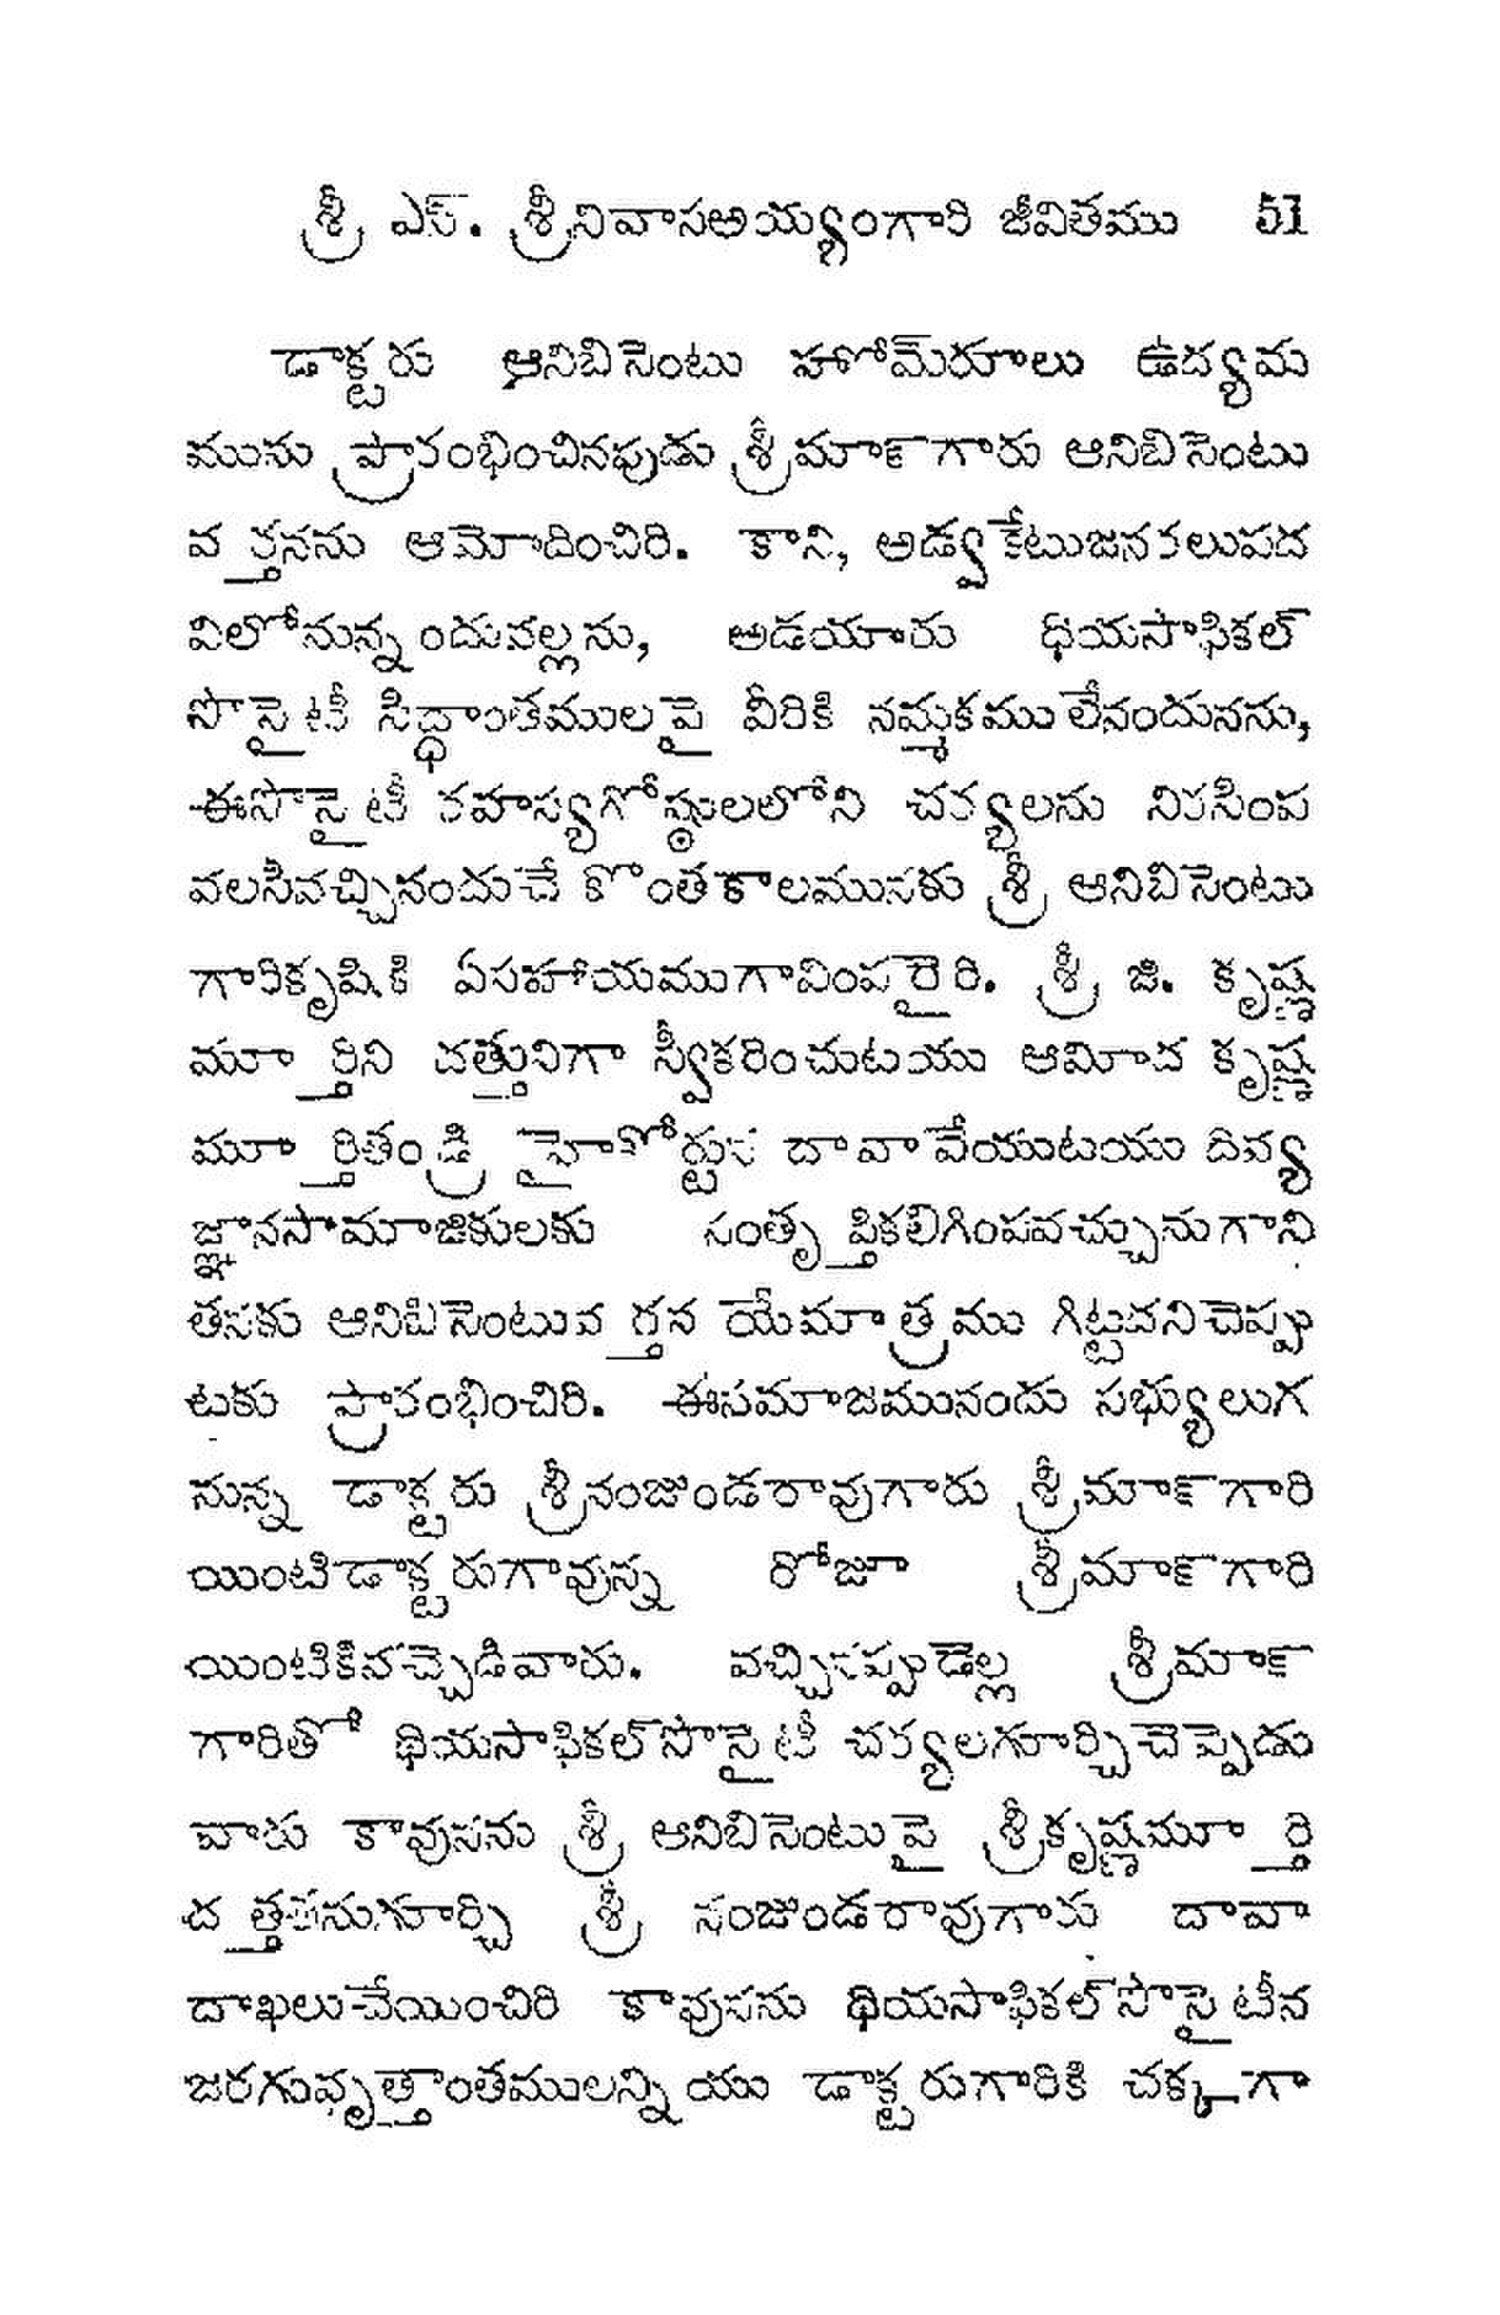డాక్టరు ఆనిబిసెంటు హోమ్‌రూలు ఉద్యమమును ప్రారంభించినపుడు శ్రీమా౯గారు ఆనిబిసెంటు వర్తనను ఆమోదించిరి. కాని, అడ్వకేటుజనరలుపదవిలోనున్నందు వల్లను, అడయారు ధియసాఫికల్ సొసైటీ సిద్ధాంతములపై వీరికి నమ్మకము లేనందునను, ఈసొసైటీ రహస్యగోష్ఠులలోని చర్యలను నిరసింపువలసివచ్చినందుచే కొంతకాలమునకు శ్రీ అనిబిసెంటు గారికృషికి ఏసహాయముగావింపరైరి. శ్రీ జి. కృష్ణమూర్తిని దత్తునిగా స్వీకరించుటయు ఆమీద కృష్ణమూర్తితండ్రి హైకోర్టున దావావేయుటయు దివ్యజ్ఞానసామాజికులకు సంతృప్తికలిగింపవచ్చునుగాని తనకు ఆనిబిసెంటువర్తన యేమాత్రము గిట్టదని చెప్పుటకు ప్రారంభించిరి. ఈసమాజమునందు సభ్యులుగనున్న డాక్టరు శ్రీనంజుండరావుగారు శ్రీమా౯గారి యింటిడాక్టరుగావున్న రోజూ శ్రీమా౯గారి యింటికివచ్చెడివారు. వచ్చినప్పుడెల్ల శ్రీమా౯గారితో థియసాఫికల్సొసైటీ చర్యలగూర్చిచెప్పెడువారు కావునను శ్రీ అనిబిసెంటుపై శ్రీకృష్ణమూర్తి దత్తసుగూర్చి శ్రీ సంజుండరావుగారు దావా దాఖలుచేయించిరి కావునను థియసాఫికల్ సొసైటీన జరగువృత్తాంతములన్నియు డాక్టరుగారికి చక్కగా